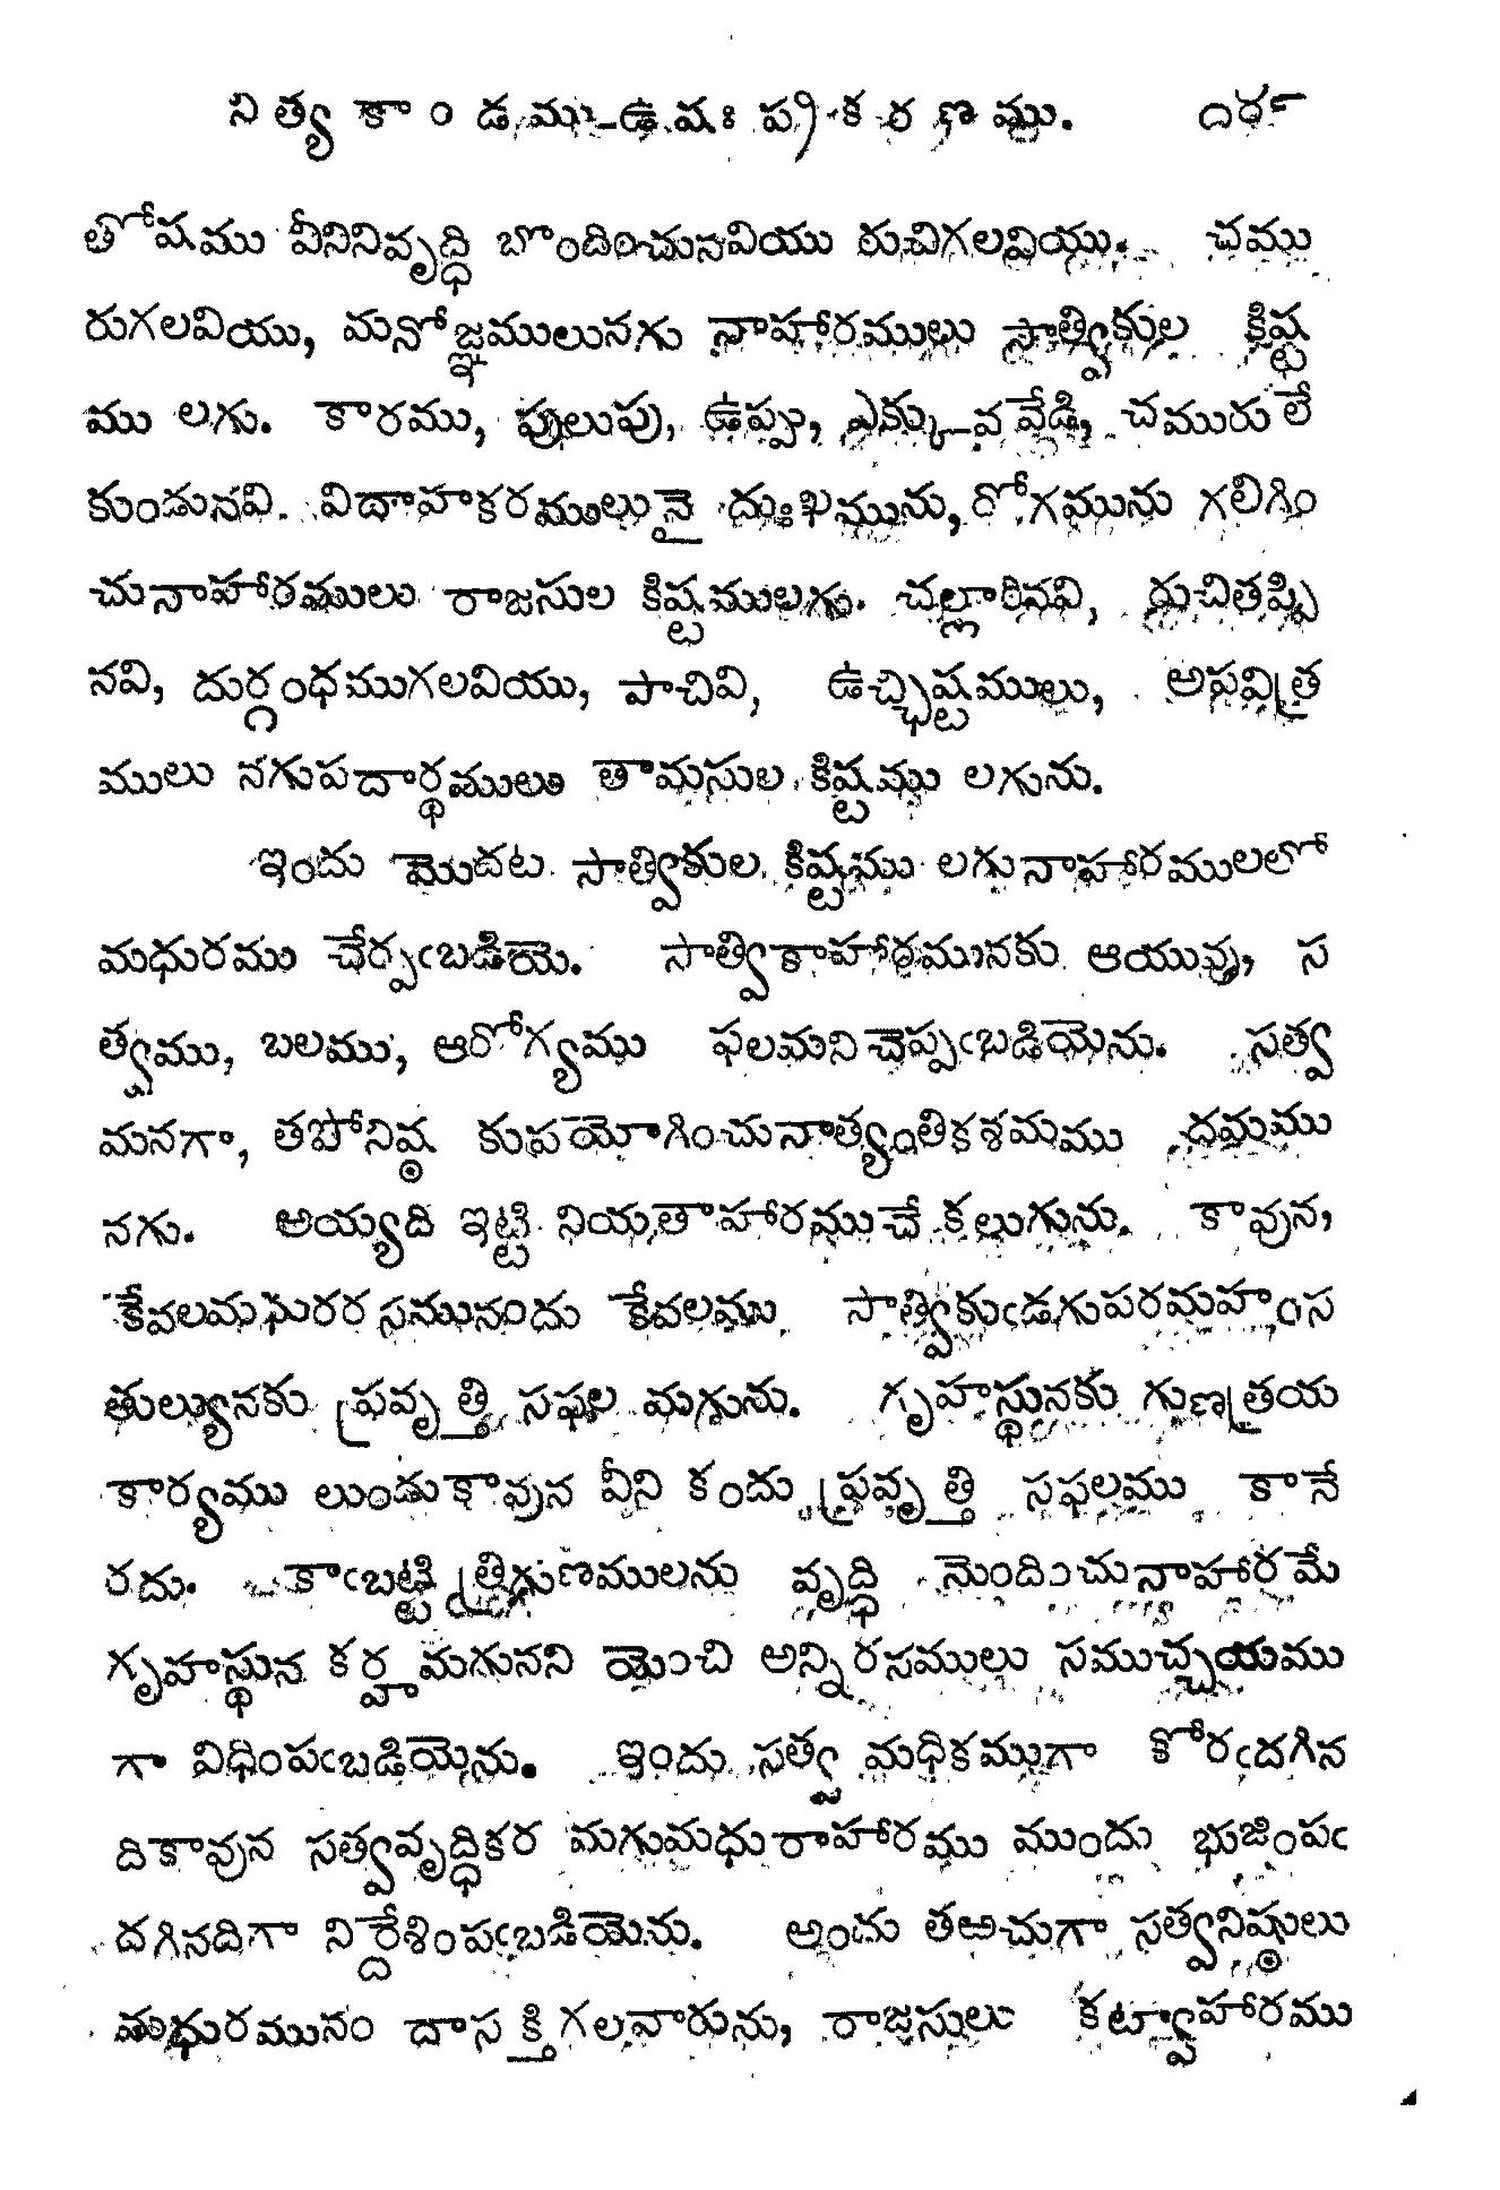తోషము వీనినివృద్ధి బొందించునవియు రుచిగలవియు.చమురుగలవియు, మనోజ్ఞములునగు నాహారములు సాత్వికుల కిష్టము లగు. కారము, పులుపు, ఉప్పు, ఎక్కువవేడి, చమురులే
కుండునవి. విదాహకరములునై దుఃఖమును, రోగమును గలిగించునాహారములు రాజసుల కిష్టములగు. చల్లారినవి, రుచితప్పినవి, దుర్గంధముగలవియు, పాచివి, ఉచ్ఛిష్టములు, అపవిత్రములు నగుపదార్థములు తామసుల కిష్టము లగును,

ఇందు మొదట సాత్వికుల కిష్టము లగునాహారములలో మధురము చేర్పఁబడియె. సాత్వికాహారమునకు ఆయువు, సత్వము, బలము, ఆరోగ్యము ఫలమనిచెప్పఁబడియెను. సత్వమనగా, తపోనిష్ఠ కుపయోగించునాత్యంతికశమము, దమము నగు. అయ్యది ఇట్టి నియతాహారముచే కలుగును. కావున, కేవలమధురరసమునందు కేవలము సాత్వికుఁడగు పరమహంస తుల్యునకు ప్రవృత్తి సఫల మగును. గృహస్థునకు గుణత్రయ కార్యము లుండుకావున వీని కందు ప్రవృత్తి సఫలము కానేరదు. కాఁబట్టి త్రిగుణములను వృద్ధి నొందించునాహారమే
గృహస్థున కర్హమగునని యెంచి అన్నిరసములు సముచ్చయముగా విధింపఁబడియెను. ఇందు సత్వ మధికముగా కోరఁదగినదికావున సత్వవృద్ధికర మగుమధురాహారము ముందు భుజింపఁ దగినదిగా నిర్దేశింపఁబడియెను. అందు తఱచుగా, సత్వనిష్ఠులు మధురమునం దాసక్తిగలవారును, రాజసులు కట్వాహారము